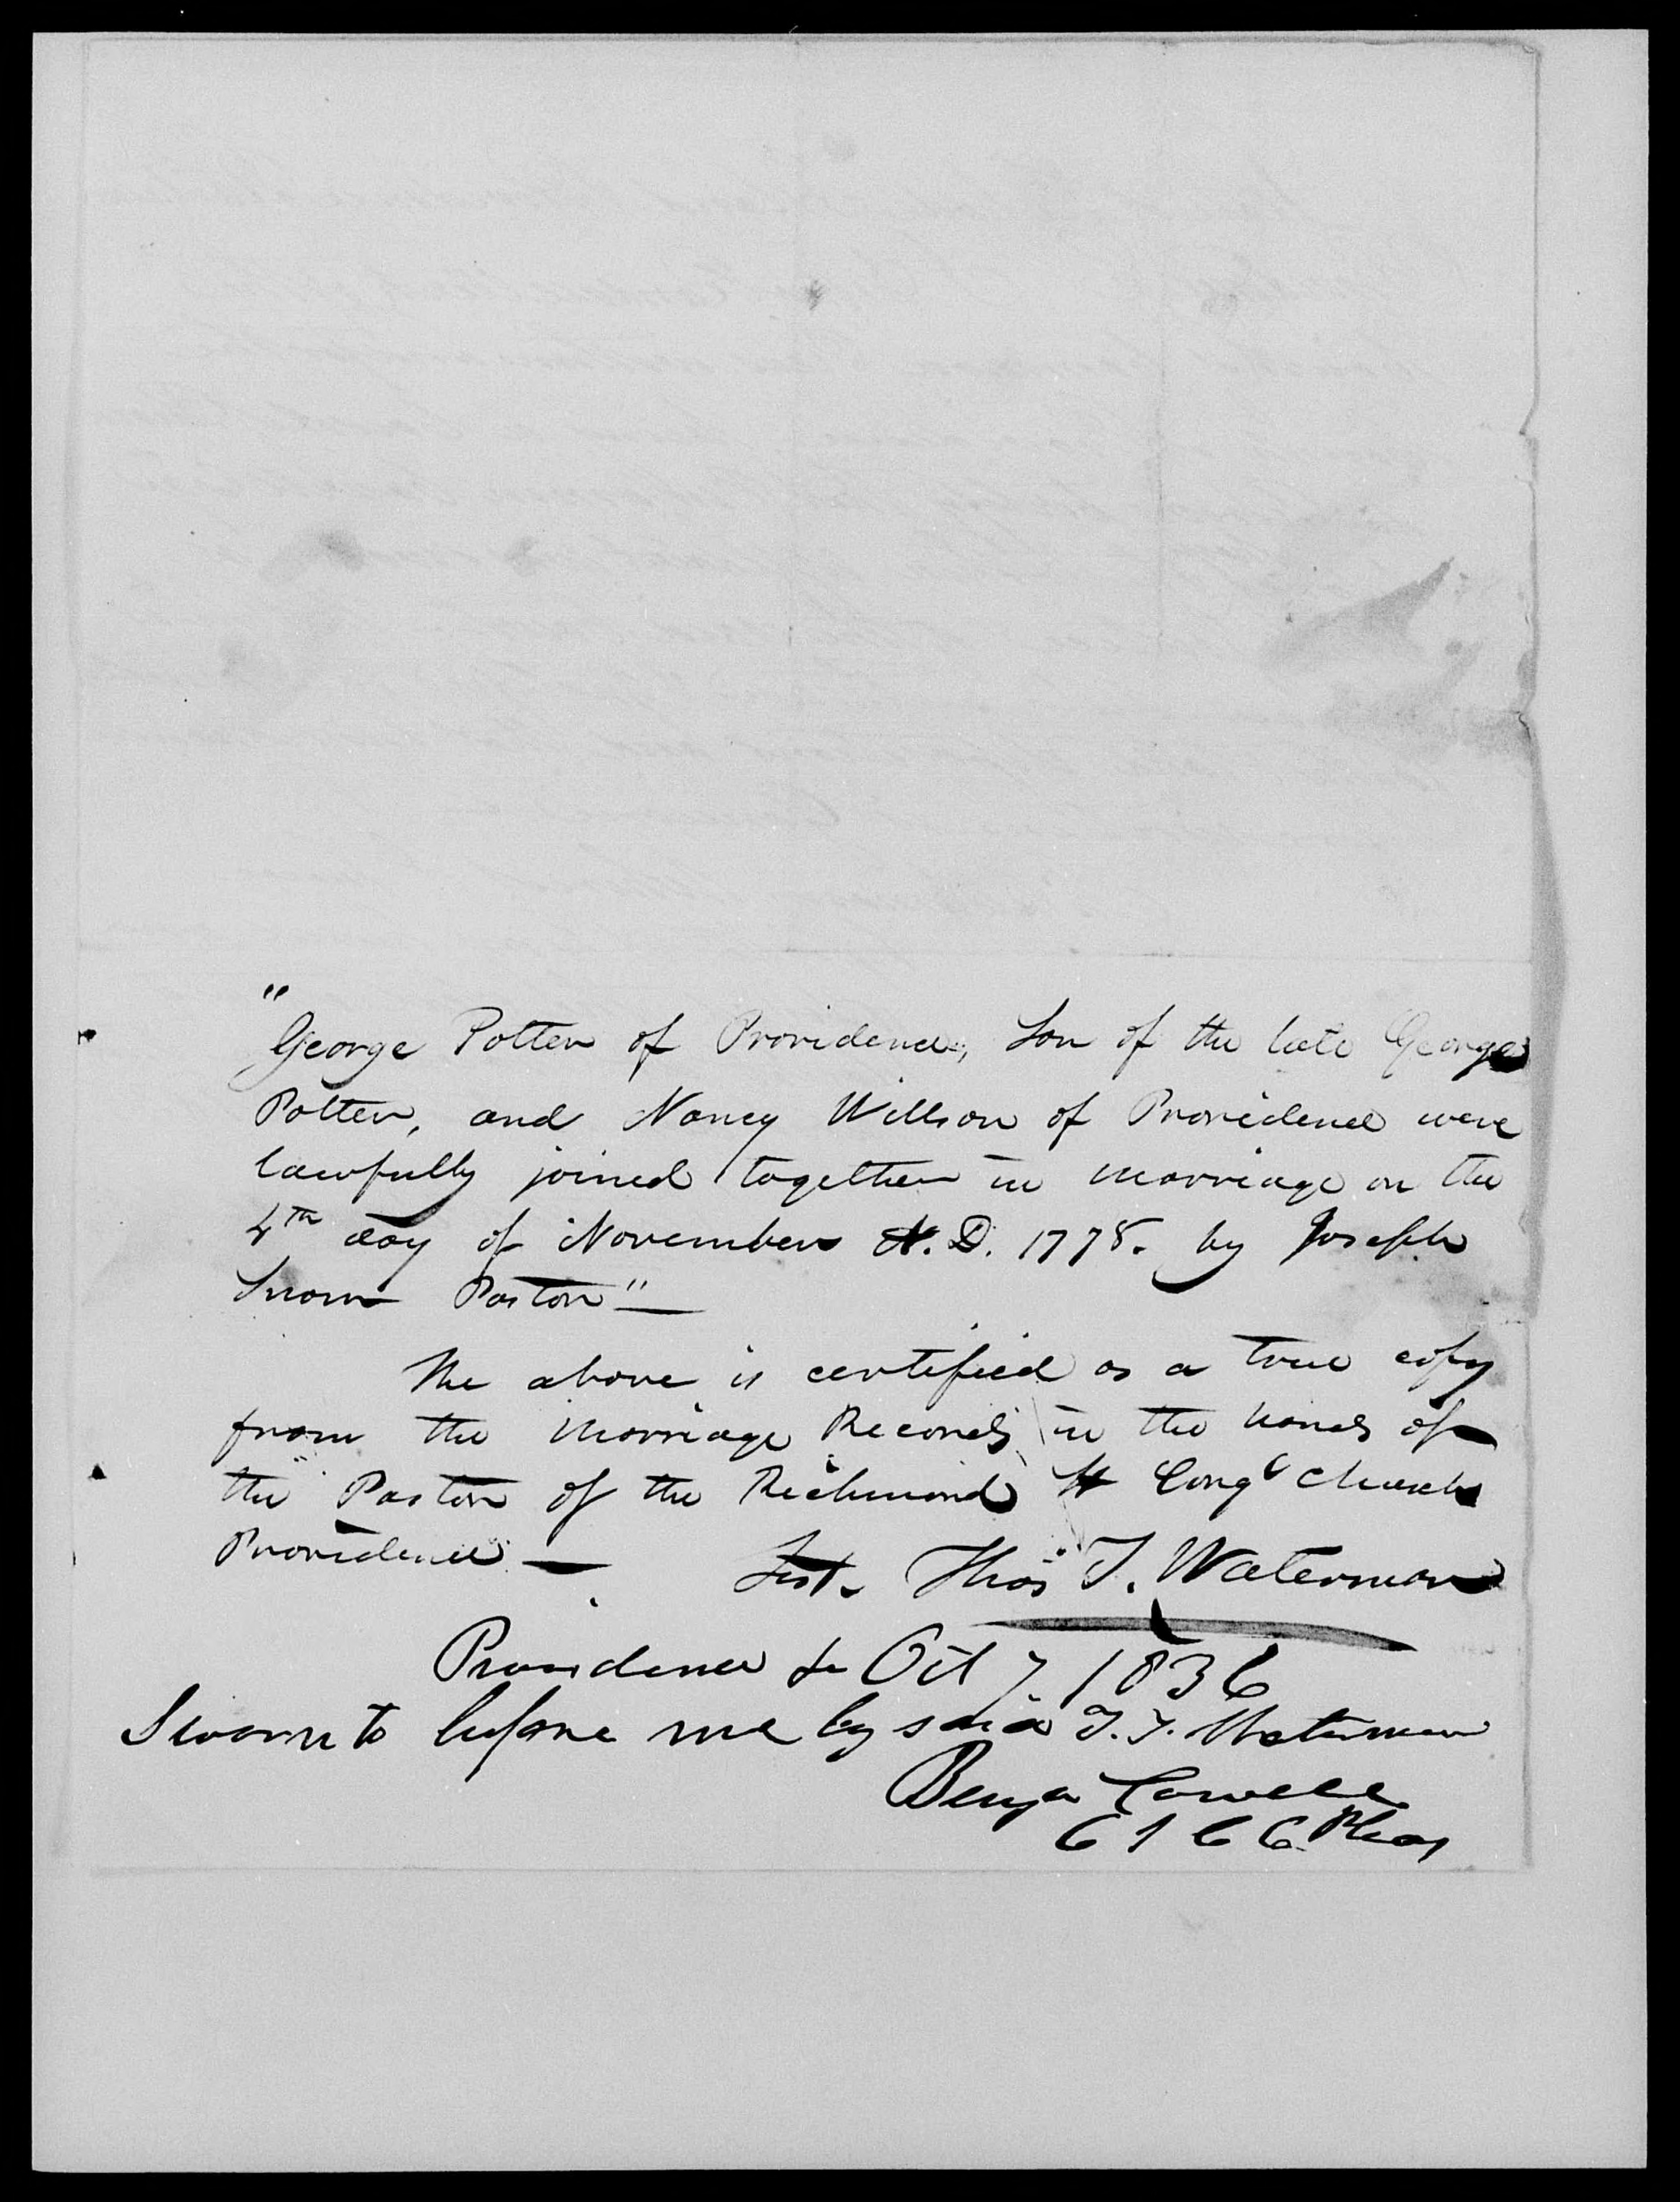George Potter of Provident, son of the late George Potter, and Nancy Willson of Providence were lawfully joined together in marriage on the 4th day of November A. D. 1778 by Joseph Snow, Pastor

The above is certified a a true copy from the Marriage Records in the hand of the Pastor of the Redeemed Cong Church Providence 

Thos. T. Waterman

Providence Oct. 7, 1836 sworn to before me by said T. T. Waterman.
Benja. Cowell.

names: Thos T Waterman; Nancy Willson; Joseph Snow; Benja Cowell; George Potter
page: 9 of 40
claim: widow's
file: W. 16058, for George Potter, Rhode Island